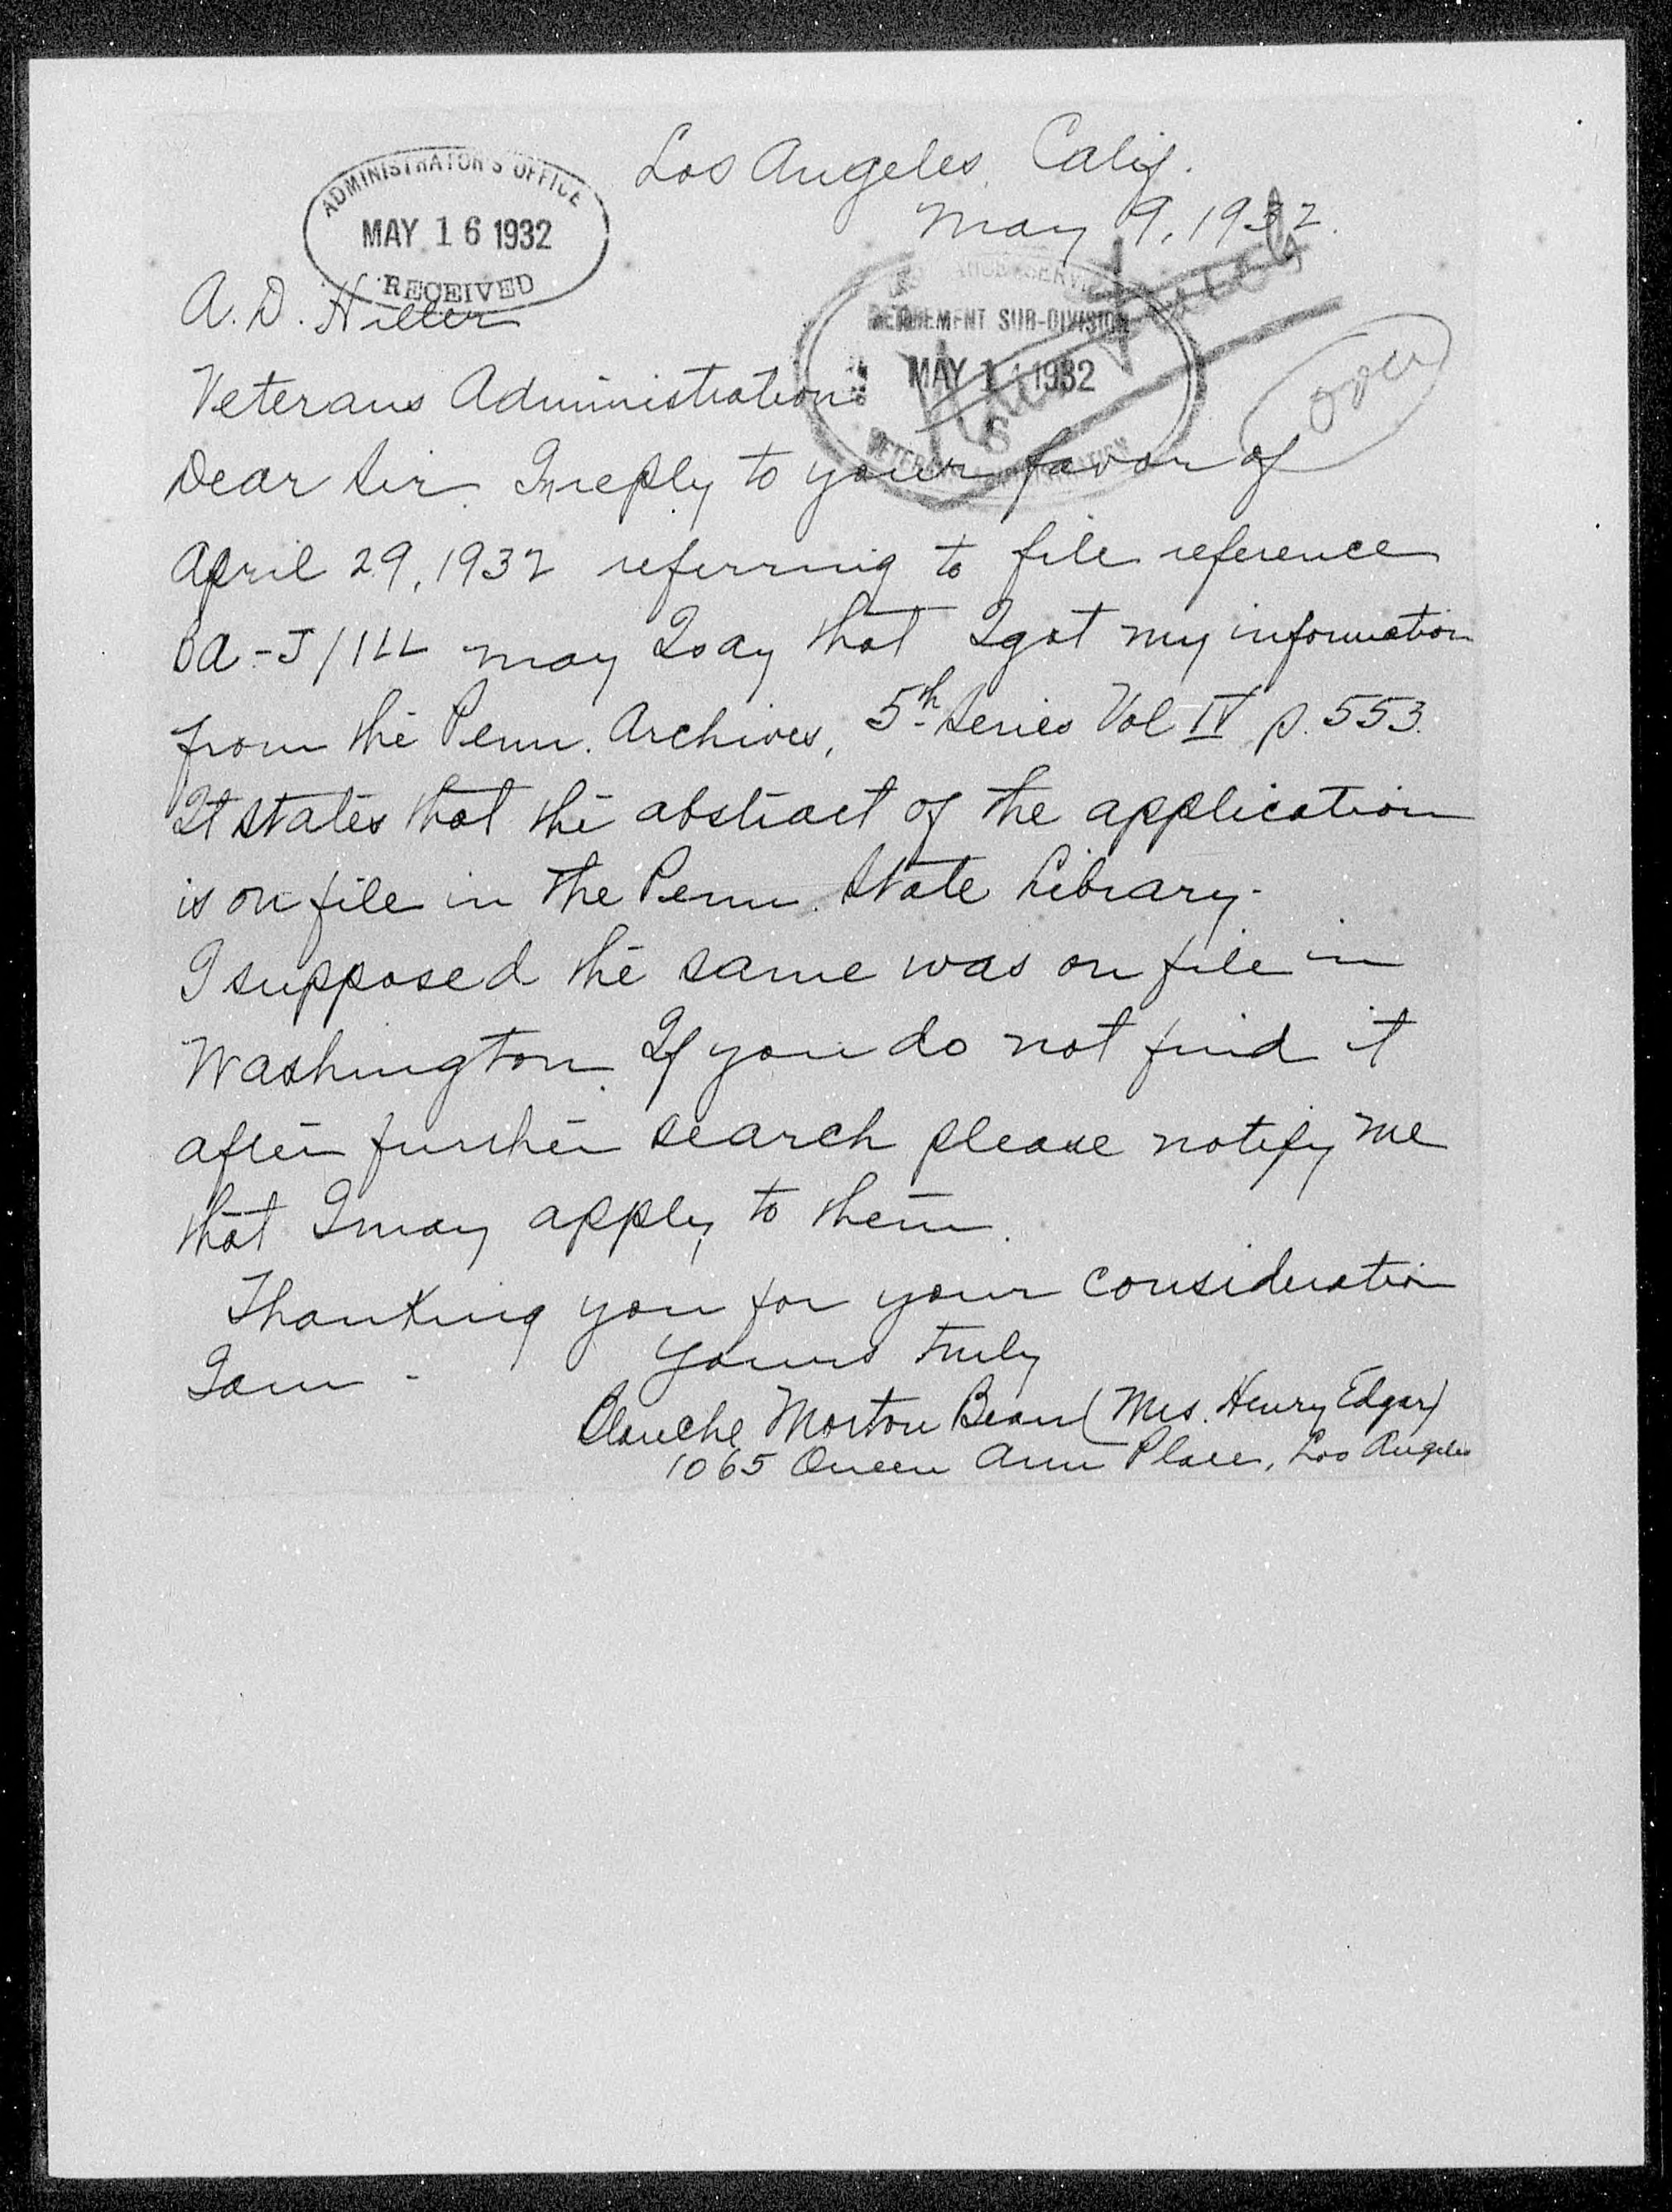Los Angeles Calif 
May 9, 1932
A.D. Hiller 
Veterans Administration                       over
Dear Sir In reply to your favor of 
April 29, 1932 referring to file reference
BAJ/ILL may I say that I got my information 
from the Penn. Archives, 5th Series Vol IV p.553
It states that the abstract of the application is on file in the Penn State Library.
I supposed the same was on file in
Washington if you do not find it
after further search please notify me 
that I may apply to them
Thanking you for your consideration
??
Yours Truly
Blanche Morton Bean (Mrs. Henry Edgar)
1065 Queen Ann Place, Los Angeles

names: Blanche Morton Bean; Henry Edgar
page: 15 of 23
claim: survivor's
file: S. 27257, for John Norcross, Pennsylvania